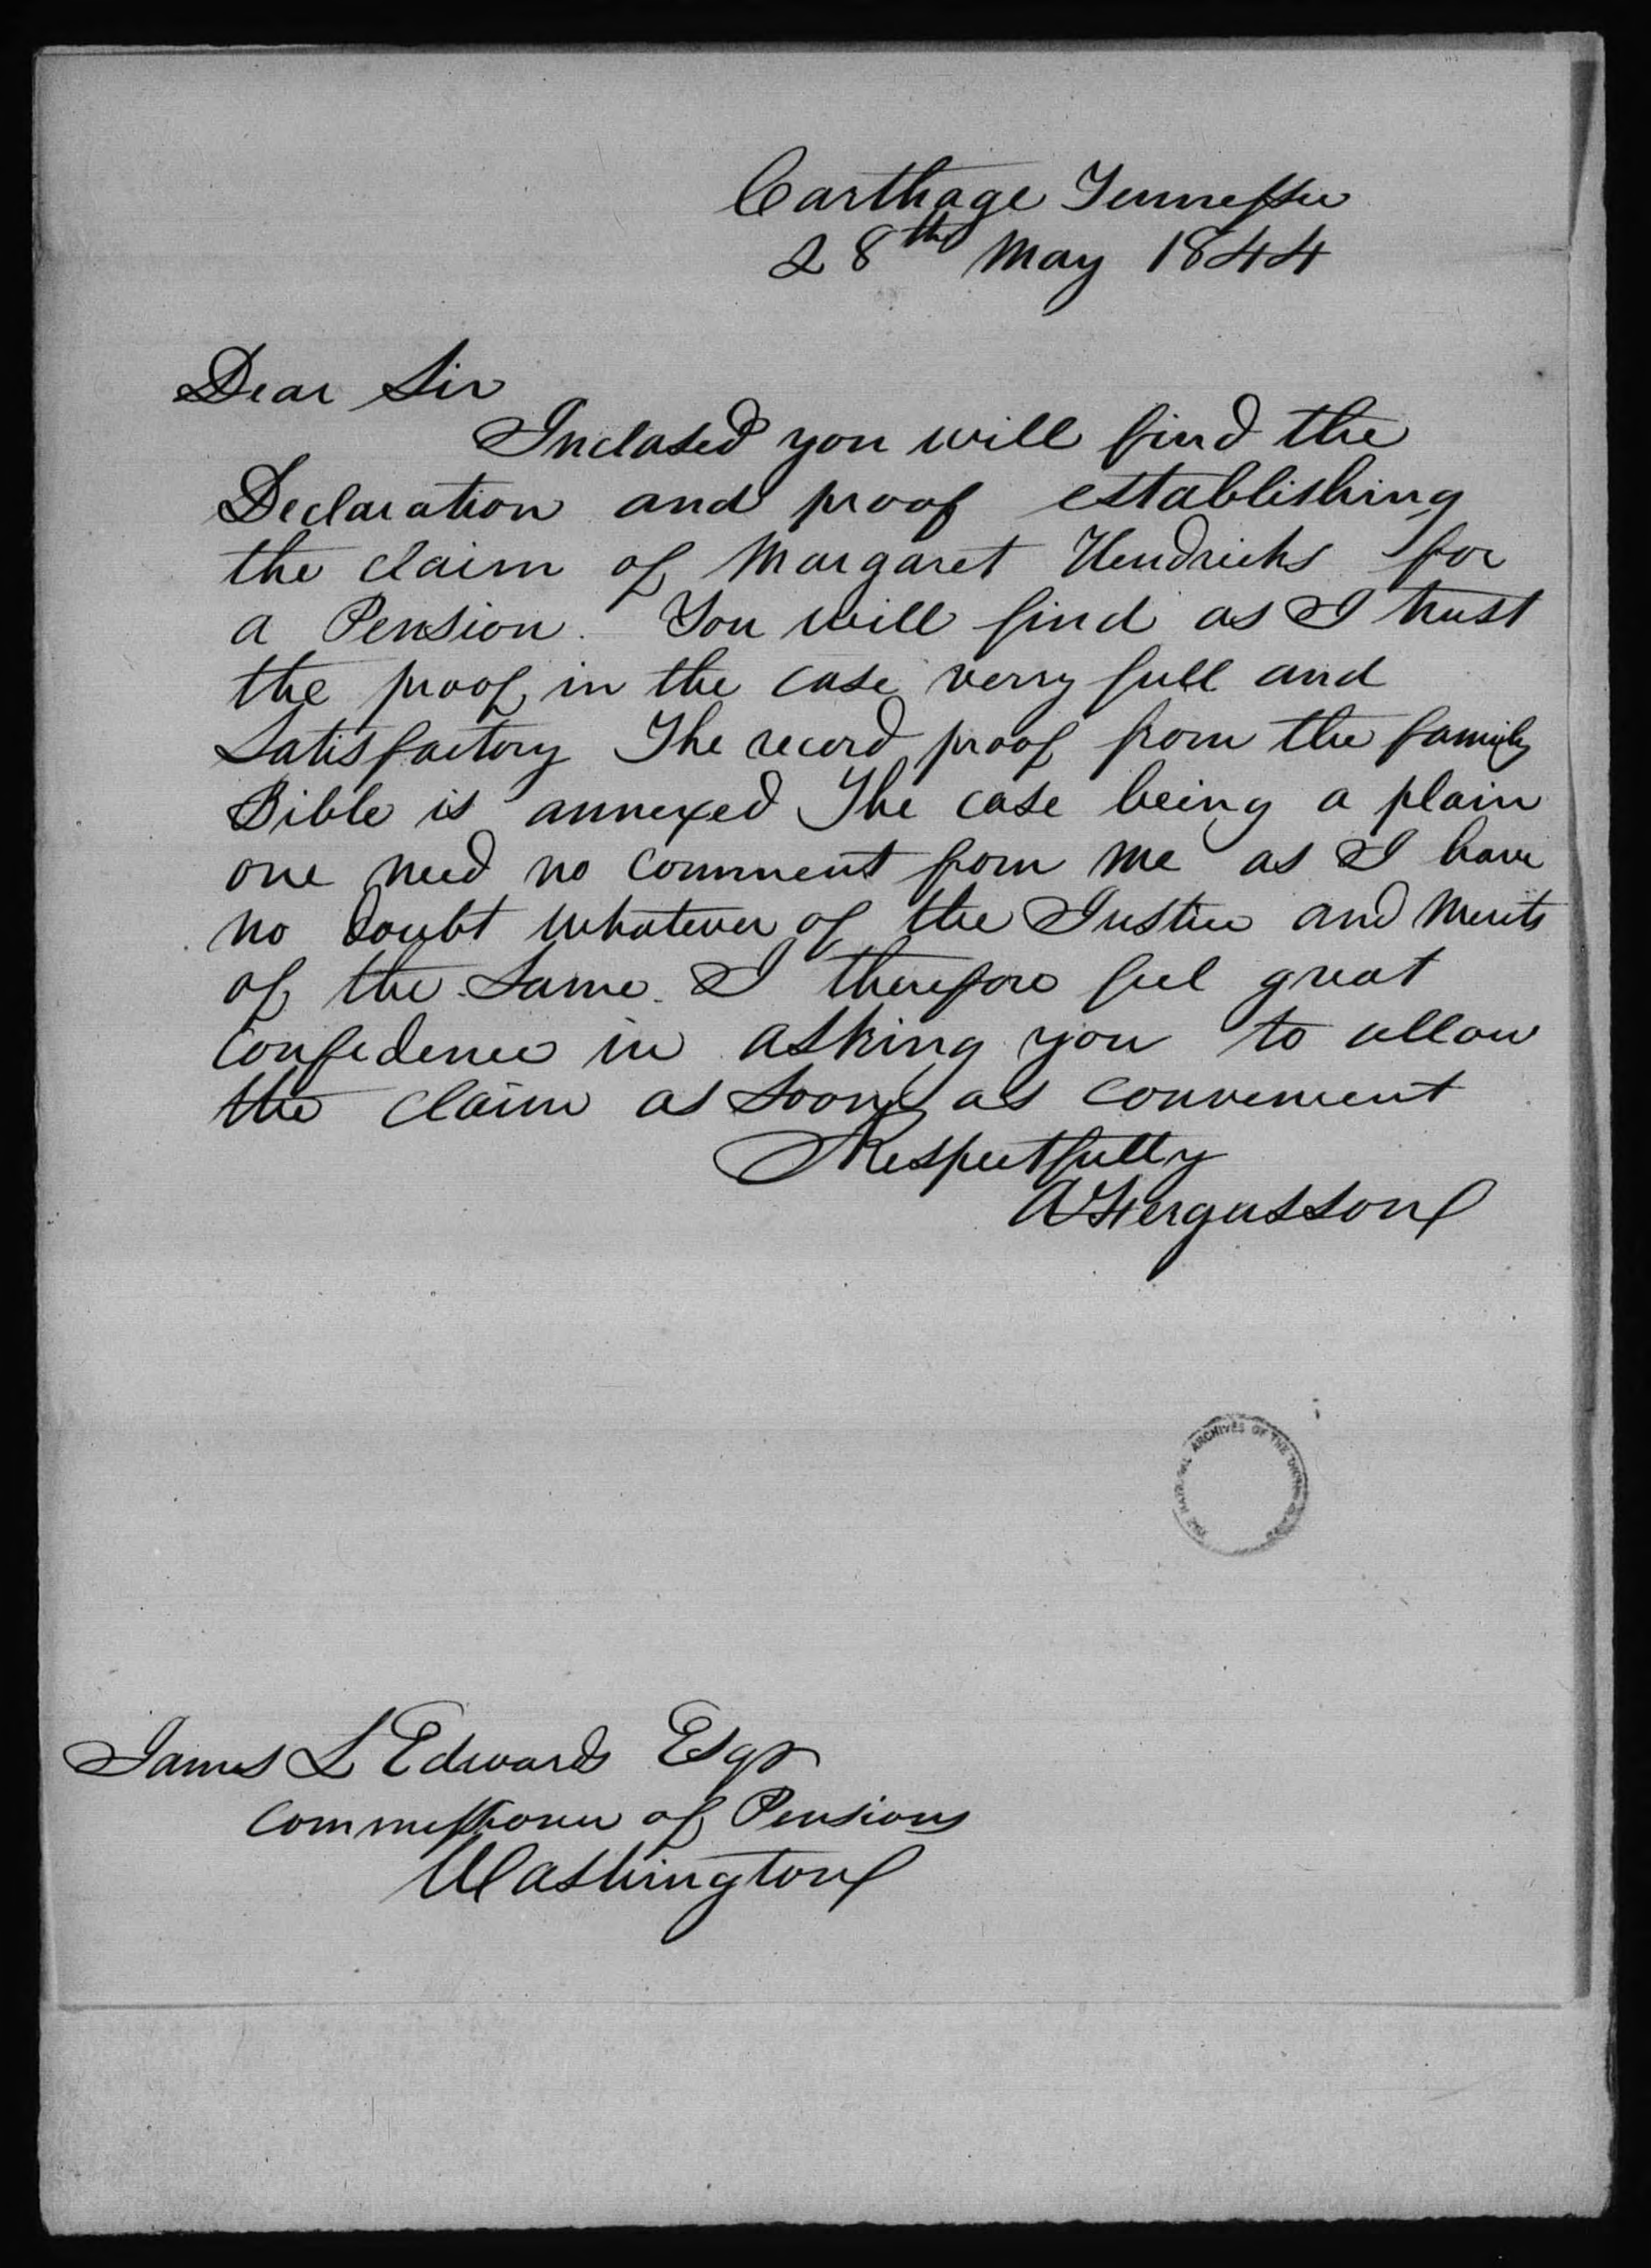Carthage Tennessee
28th May 1844

Dear Sir
  Inclosed you will find the Declaration and proof establishing the claim of Margaret Hendricks for a Pension.  You will find as I trust the proof, in the case very full and satisfactory.  The record proof from the family Bible is annexed  The case being a plain one need no comment from me as I have no doubt whatever of the Justice and Merits of the same.  I therefore feel great confidence in asking you to allow the claim as soon as convenient.
  Respectfully
     A. Fergusson


James L Edwards Esqr
Commissioner of Pensions
Washington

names: Margaret Hendricks, James L Edwards, A Fergusson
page: 44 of 76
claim: widow's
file: W. 83, Albert Hendricks, Continental Md. N.C.